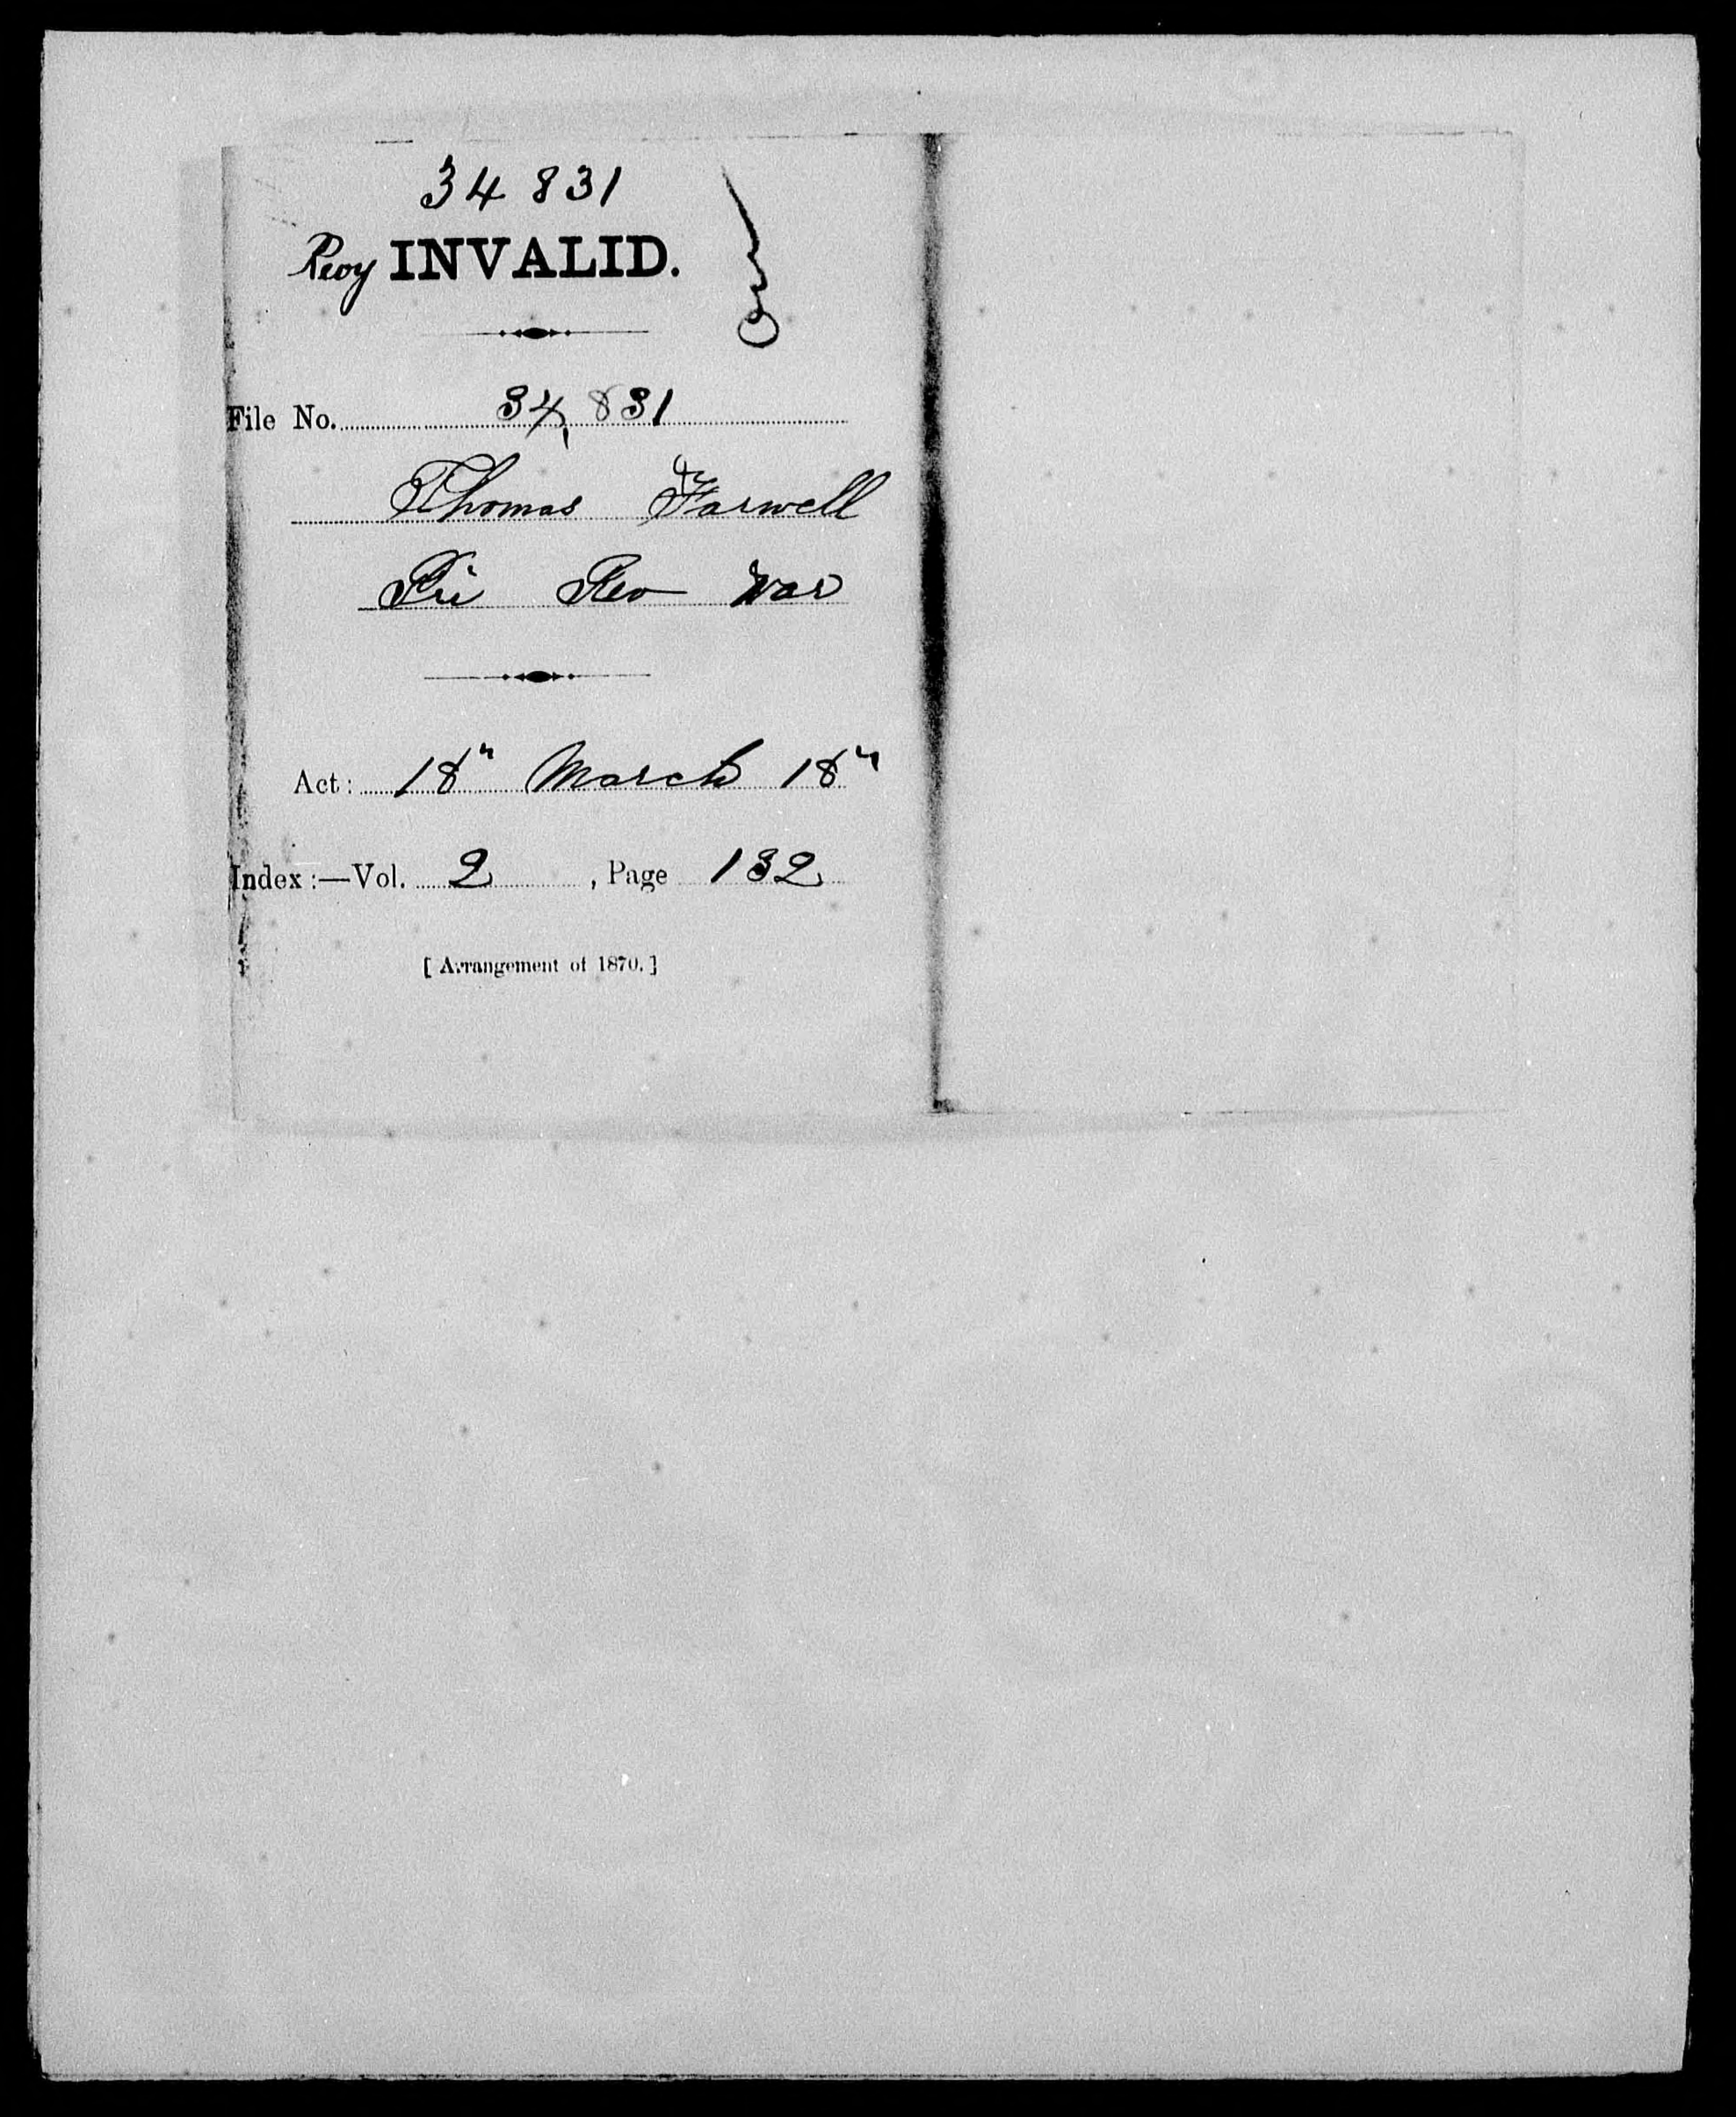32831
[illegible] INVALID.
File No. 34,831
Thomas Farwell
In Rev War

Act: 18th March 18th
Index:-Vol. 2, Page 132
[Arrangement of 1870]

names: Thomas Farwell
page: 11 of 18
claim: survivor's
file: S. 34,831, Thomas Farwell, Conn.